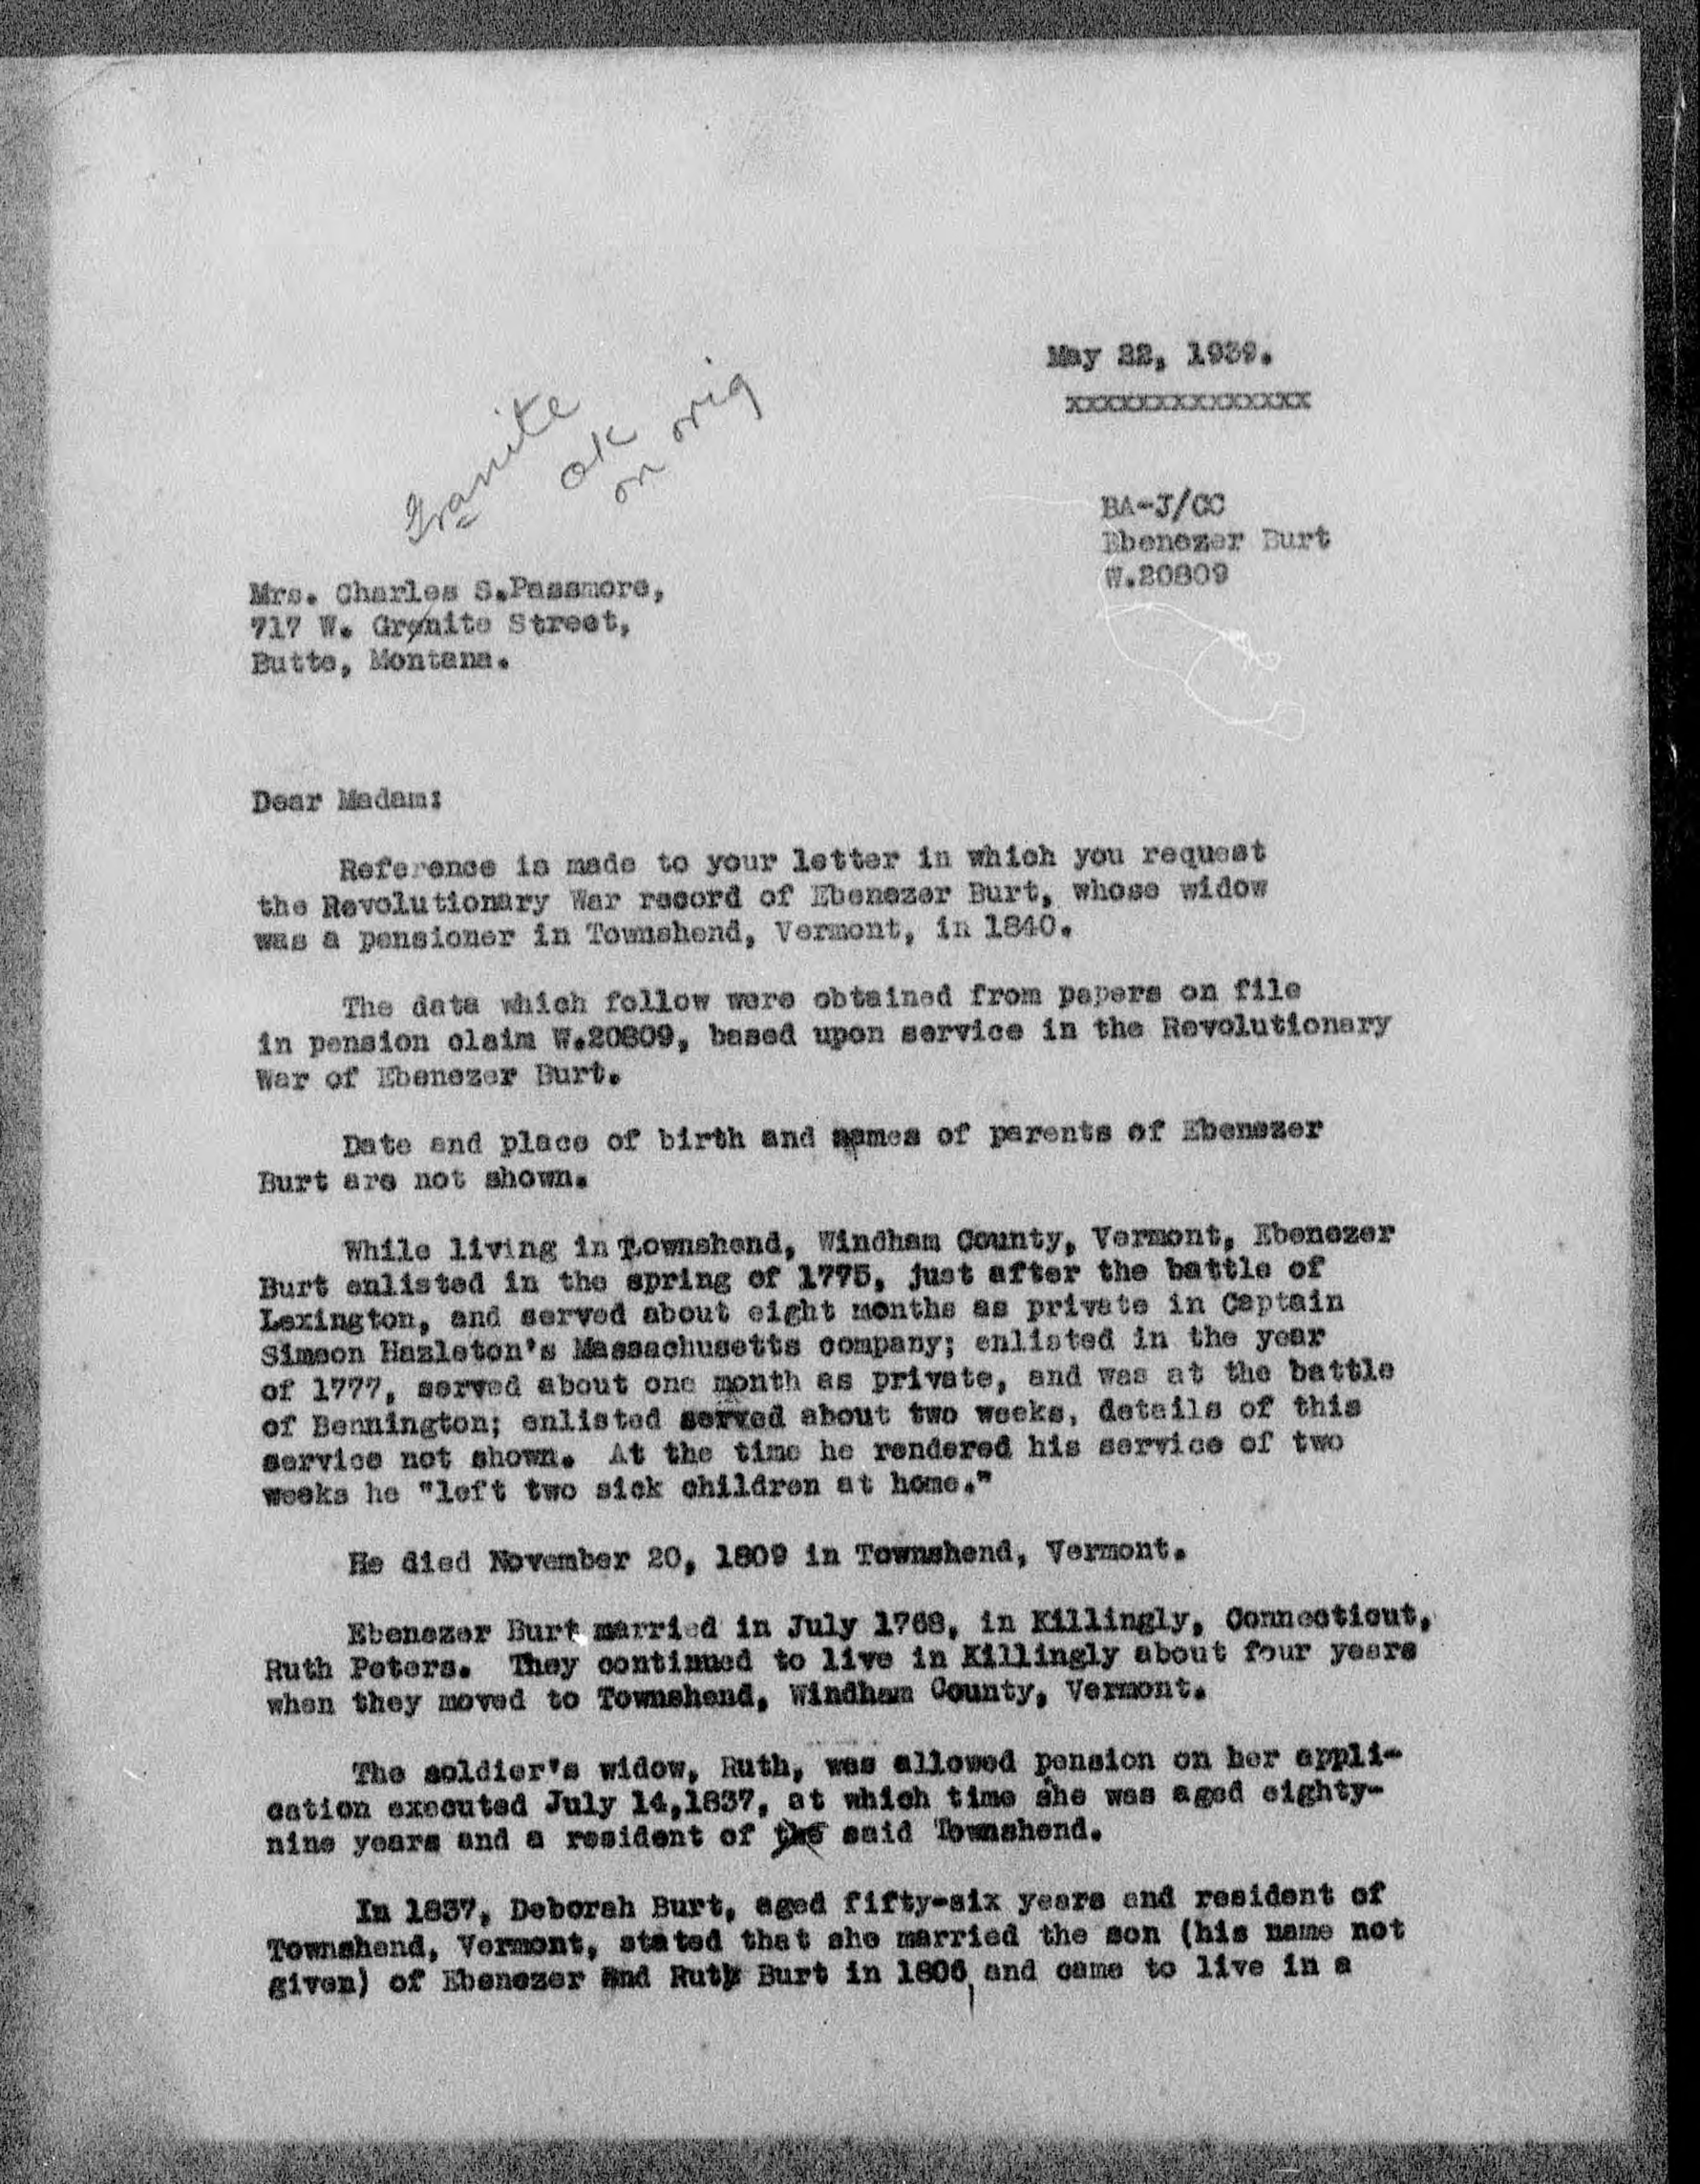May 22, 1939.
XXXXXXX

BA-K/cc
Ebenezer Burt
W.20809

Mrs. Charles S. Passmore,
717 W. Grenite (Granite ok on orig) Street,
Butte, Montana.

Dear Madam:

Reference is made to your letter in which you request the Revolutionary War record of Ebenezer Burt, whose widow was a pensioner in Townshend, Vermont, in 1840.

The data which follow were obtained from papers on file in pension claim W. 20809, based upon service in the Revolutionary War
of Ebenezer Burt.

Date and place of birth and names of parents of Ebenezer Burt are not shown.

While living in Townshend, Windham County, Vermont, Ebenezer Burt enlisted in the spring of 1775, just after the battle of Lexington, and served about eight months as private in Captain Simeon Hazleton's Massachusetts company; enlisted in the year of 1777, served about one month as private, and was at the battle of Bennington; enlisted served about two weeks, details of this service not shown. At the time he rendered his service of two
weeks he "left two sick children at home."

He died November 20, 1809 in Townshend, Vermont.

Ebenezer Burt married in July 1768, in Killingly, Connecticut, Ruth Peters. They continued to live in Killingly about four years when they moved to Townshend, Windham County, Vermont.

The soldier's widow, Ruth, was allowed pension on her application executed July 14, 1837, at which time she was aged eighty-nine years and a resident of said Townshend.

In 1837, Deborah Burt, aged fifty-six years and resident of Townshend, Vermont, stated that she married the son (his name not given) of Ebenezer and Ruth Burt in 1806, and came to live in a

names: Ruth Burt, Ruth Peters, Ebenezer Burt, Ebenezer Burt, Ebenezer Burt, Charles S Passmore, Ebenezer Burt, Ebenezer Burt, Ebenezer Burt, Ebenezer Burt, Ruth, Deborah Burt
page: 5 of 17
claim: widow's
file: W. 20809, Ebenezer Burt, Mass.